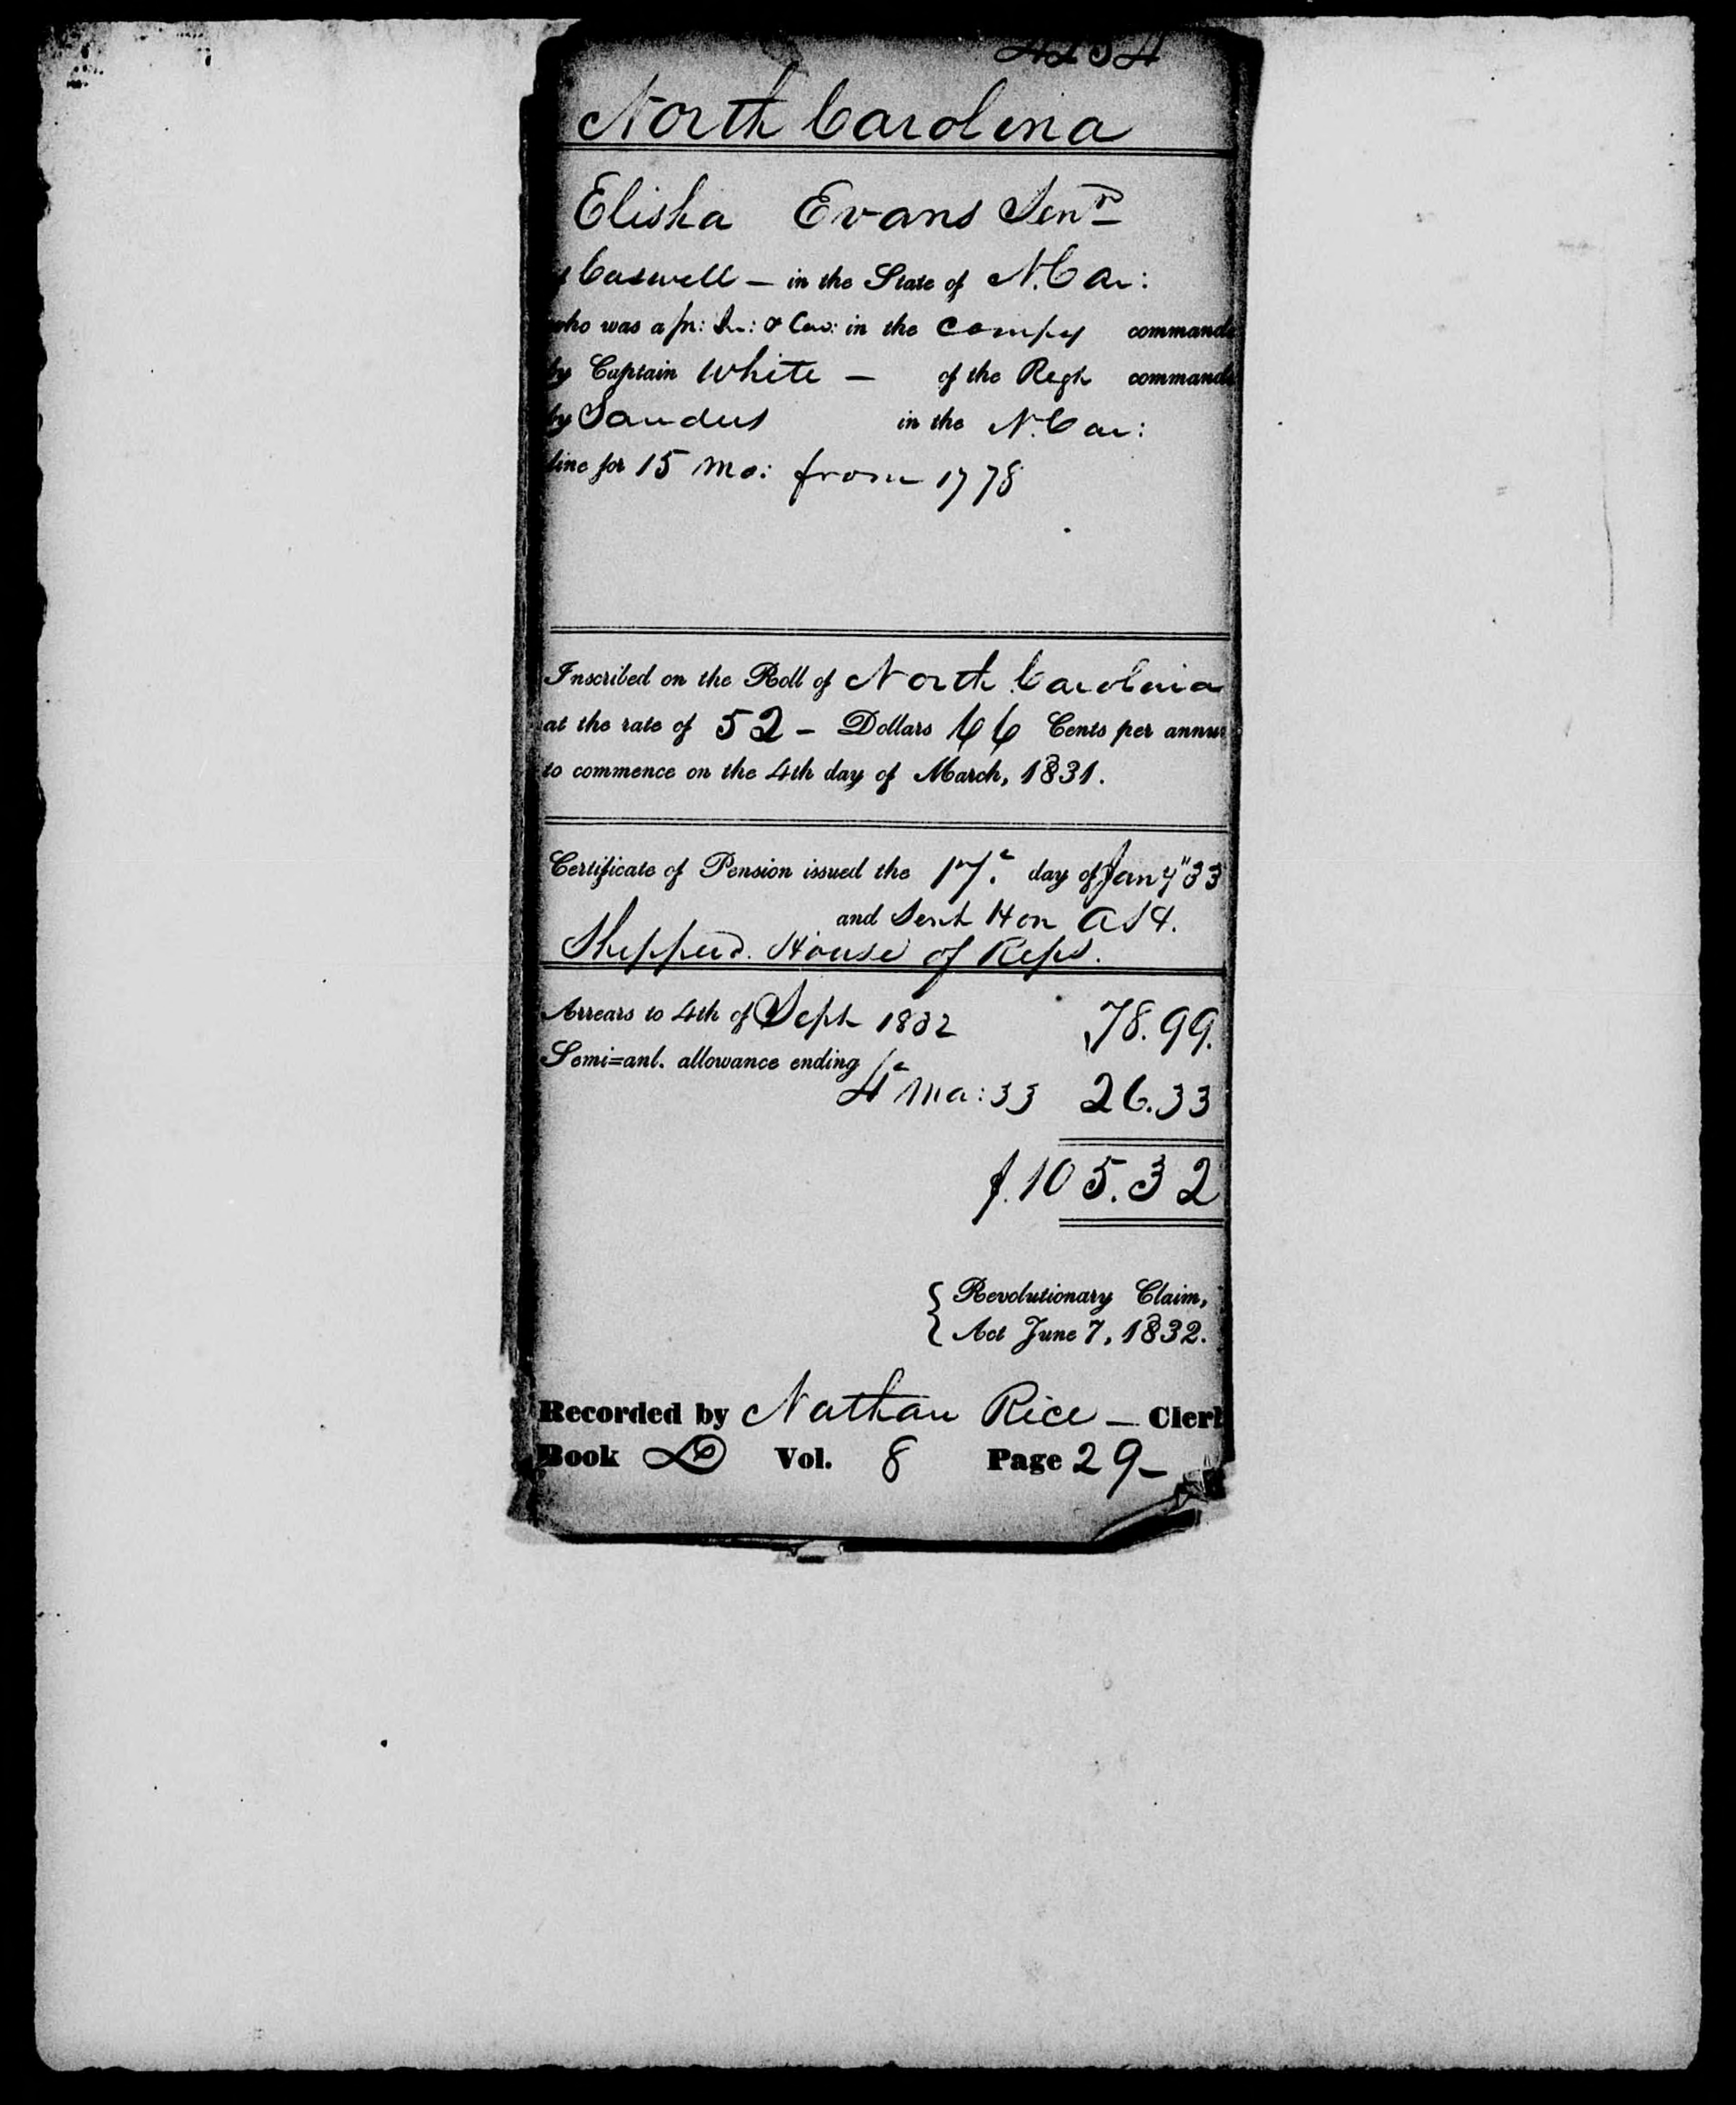[Printed document with handwritten entries]

[Line is cut off]
North Carolina Elisha Evans Senr of Caswell in the State of N. Car: who was a pri: [illegible]: + [illegible] in the company commanded by Captain White - of the Regt commanded by Sanders in the N. Car: line for 15 mo: from 1778

Inscribed on the Roll of North Carolina at the rate of 52 - Dollars 66 Cents per annum to commence on the 4th day of March, 1831.

Certificate of Pension issued the 17th day of Jany " 33 and sent Hon A. Shepperd House of Reps

Arrears to 4th of Sept 1832 78.99.
Semi-anl. allowance ending 4 Mar:33 26.33
$105.32

{Revolutionary Claim, Act June 7, 1832.}

Recorded by Nathan Rice - Clerk Book D
Vol. 8 Page 29-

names: Nathan Rice, White, Elisha Evans, Sanders, A H Shepperd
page: 2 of 29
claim: survivor's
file: S. 6830, Elisha Evans, N.C.